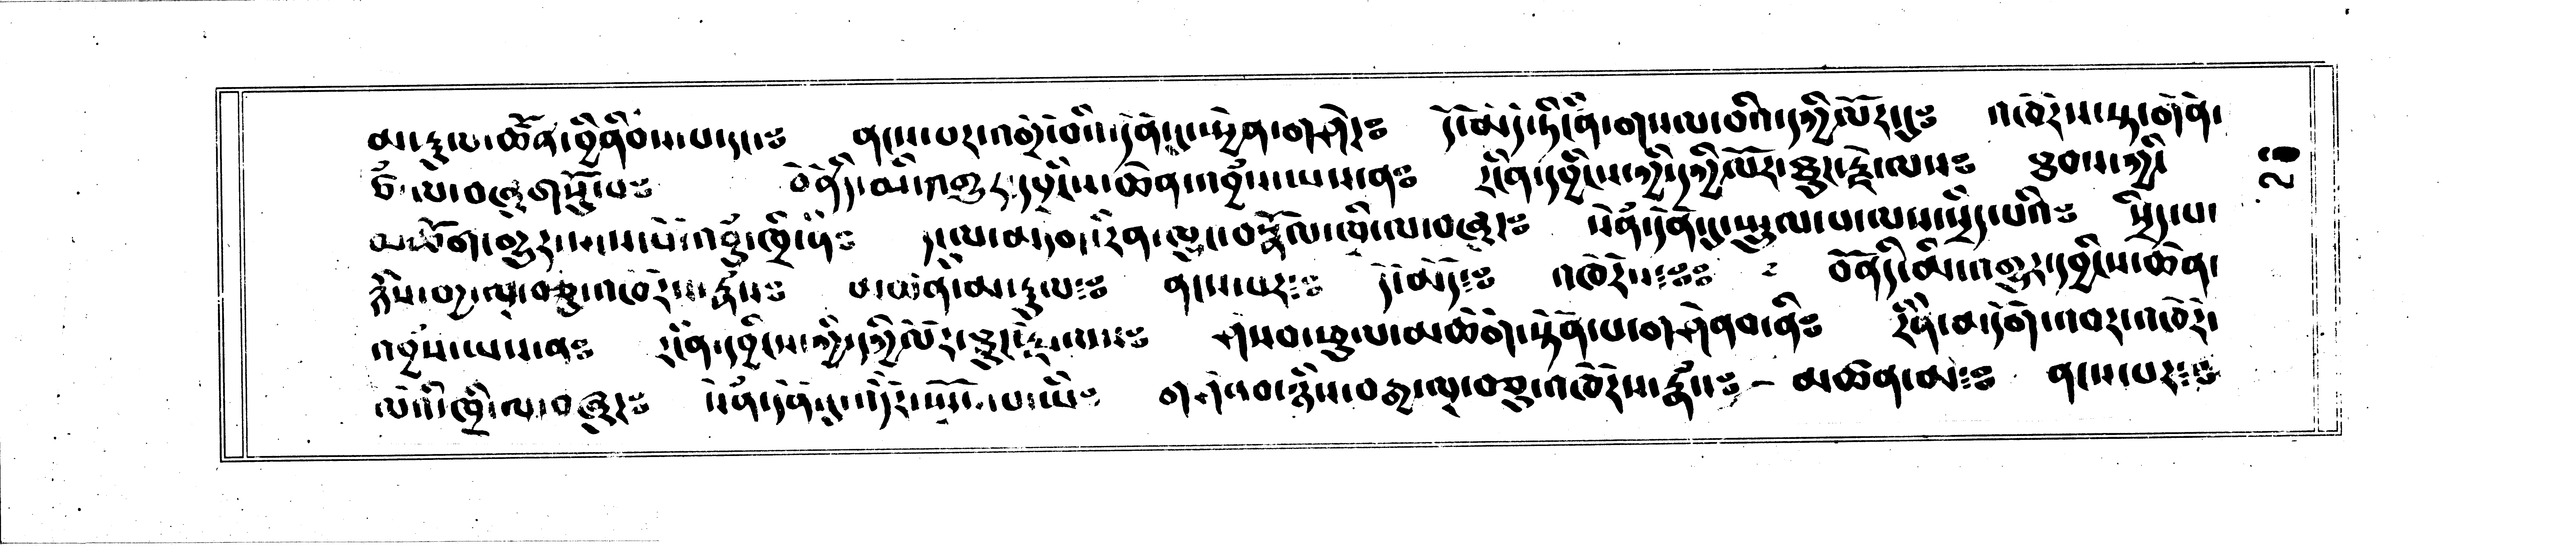མ་རྡུལ་ཚོན་བྱིན་གྱིས་བརླབས་པ་དངཿ ནང་པར་འགྲོ་བའི་དོན་དུ་སྤྱན་འདྲེན་གཤེགསཿ དོ་མོད་ཏིང་འཛིན་གསལ་བའི་དཀྱིལ་འཁོར་དུཿ འཁོར་བཅས་སྟ་གོན་
ཙམ་ལ་བཞུགས་སུ་གསོལཿ བོན་ཉིད་མི་འགྱུར་དབྱིངས་ཆེན་འབྱམས་ཡས་ནཿ རང་བཞིན་དབྱིངས་ཀྱི་དཀྱིལ་འཁོར་ཐུགས་རྗེ་ལསཿ ཐབས་ཀྱི་
མཆོག་གྱུར་སངས་པོ་འབུམ་ཁྲི་ནིཿ དངུལ་མདོག་རིན་ཆེན་ཁྱུང་བསྣོལ་ཁྲི་ལ་བཞུགསཿ སེམས་ཅན་དོན་དུ་སྤྲུལ་པ་ལས་སྲིད་པའིཿ སྲིད་པ་
ཉིས་བརྒྱ་ལྔ་བཅུ་འཁོར་བཅས་རྣམསཿ མཚན་མ་རྡུལ་ཚོན་བྱིན་གྱིས་བརླབས་པ་དངཿ ནང་པར་འགྲོ་བའི་དོན་དུ་སྤྱན་འདྲེན་གཤེགསཿ དོ་མོད་ཏིང་འཛིན་གསལ་བའི་དཀྱིལ་འཁོར་དུཿ འཁོར་བཅས་སྟ་གོན་ཙམ་ལ་བཞུགས་སུ་གསོལཿ བོན་ཉིད་མི་འགྱུར་དབྱིངས་ཆེན་
འབྱམས་ཡས་ནཿ རང་བཞིན་དབྱིངས་ཀྱི་དཀྱིལ་འཁོར་ཐུགས་རྗེ་ལསཿ ཤེས་རབ་ཕུལ་མཆོག་སྟོན་པ་གཤེན་རབ་ནིཿ རིན་ཆེན་མདོག་འབར་འཁོར་
ལོའི་ཁྲི་ལ་བཞུགསཿ སེམས་ཅན་དོན་དུ་འོད་ཟེར་སྤྲོས་པ་ཡིཿ གཤེན་རབ་ཉིས་བརྒྱ་ལྔ་བཅུ་འཁོར་བཅས་རྣམསཿ མཚན་མ་རྡུལ་ཚོན་བྱིན་གྱིས་བརླབས་པ་དངཿ ནང་པར་འགྲོ་བའི་དོན་དུ་སྤྱན་འདྲེན་གཤེགསཿ